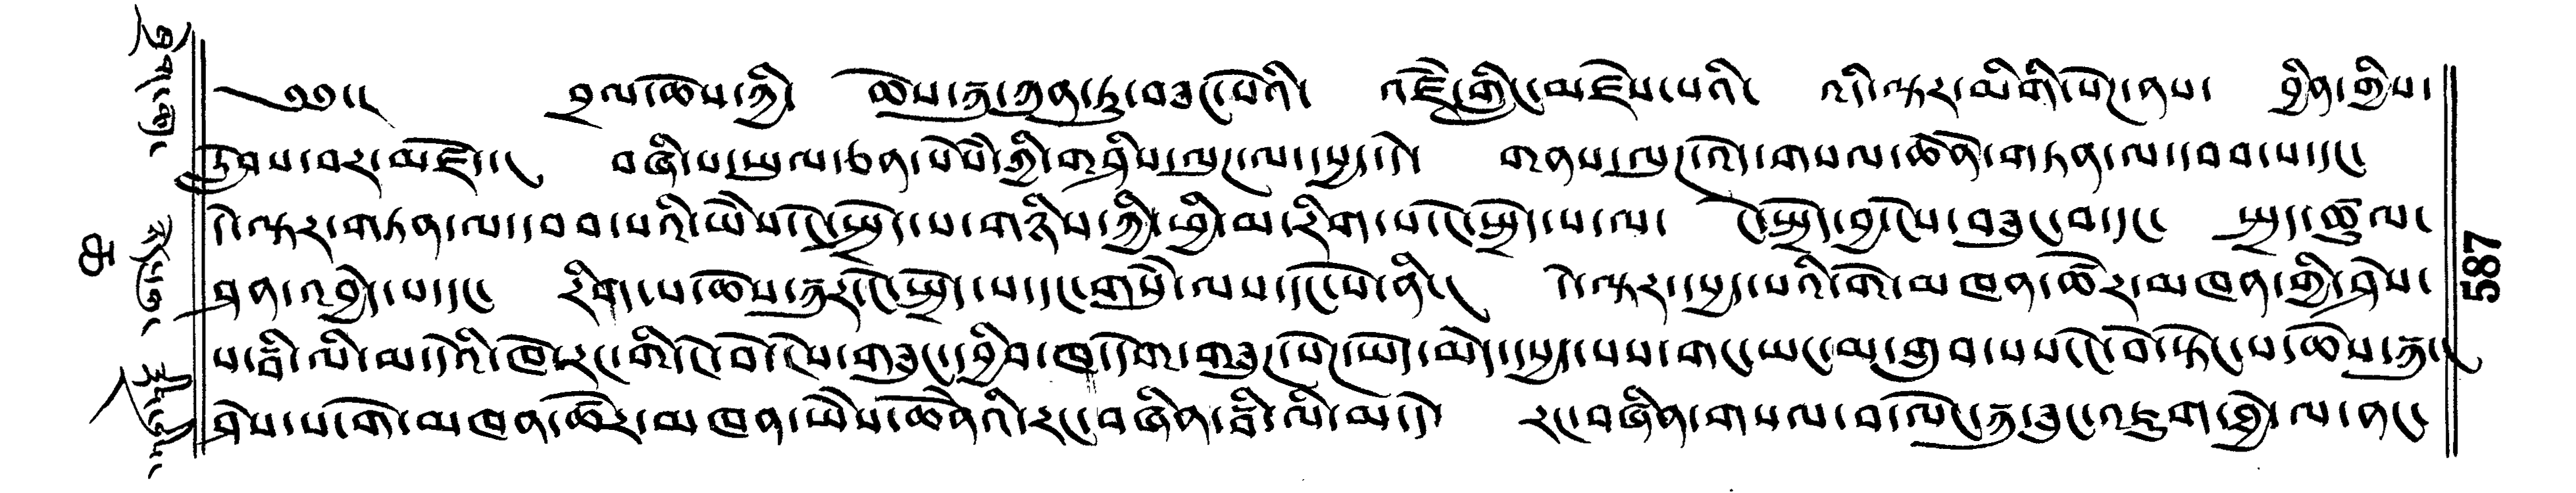བྲལ་ཆོས་ཀྱི༴ཆོས་སྐུ་ཀུན་ཏུ་བཟང་པོའི། འཛམ་གླིང་མཛེས་པའི༴ འདི་ལྟར་མིག་གི༴ སོགས་ནས། བྱིན་གྱིས་
རློབས་བར་མཛོད། བཞི་པ་ཡུལ་ཅན་སེམས་ཀྱི་གཤིས་ལུགས་ལ་དཔྱད་དེ། གནས་ལུགས་འོད་གསལ་ཆེན་པོ་གཏན་ལ་དབབ་པ་དང་། 
དེ་ལྟར་གཏན་ལ་དབབ་པའི་ཡེ་ཤེས་ངོ་སྤྲོད་པ་གཉིས་ཀྱི་ཕྱི་མ་རིག་པ་ངོ་སྤྲོད་པ་ལ། ངོ་སྤྲོད་བྱ་ངོས་བཟུང་བ་དང་། སྤྲོད་ཚུལ་
ཤན་འབྱེད་པ་དང་། རིག་པ་ཆོས་སྐུར་ངོ་སྤྲོད་པ་དང་གསུམ་ལས་དང་པོ་ནི། དེ་ལྟར་དཔྱད་པའི་གོ་མཁན་ཚོར་མཁན་གྱི་ཤེས་
པ་སྦི་ལི་མ་དེའི་ཁོ་རང་གི་ངོ་བོ་ངོས་གཟུང་། དབྱིབས་ཁ་དོག་གཟུགས་སོགས་ཡོད་མེད་དཔྱད་པས་གང་ཡང་མ་གྲུབ་པས་ངོ་བོ་སྟོང་པ་ཆོས་སྐུ། 
ཤེས་པ་གོ་མཁན་ཚོར་མཁན་ཡེ་ཤེས་ཆེན་པོའི་རང་བཞིན་སྦི་ལི་མ་དེ། རང་བཞིན་གསལ་བ་ལོངས་སྐུ། ཟུང་འཇུག་ཐུགས་རྗེ་ལ་ནང་